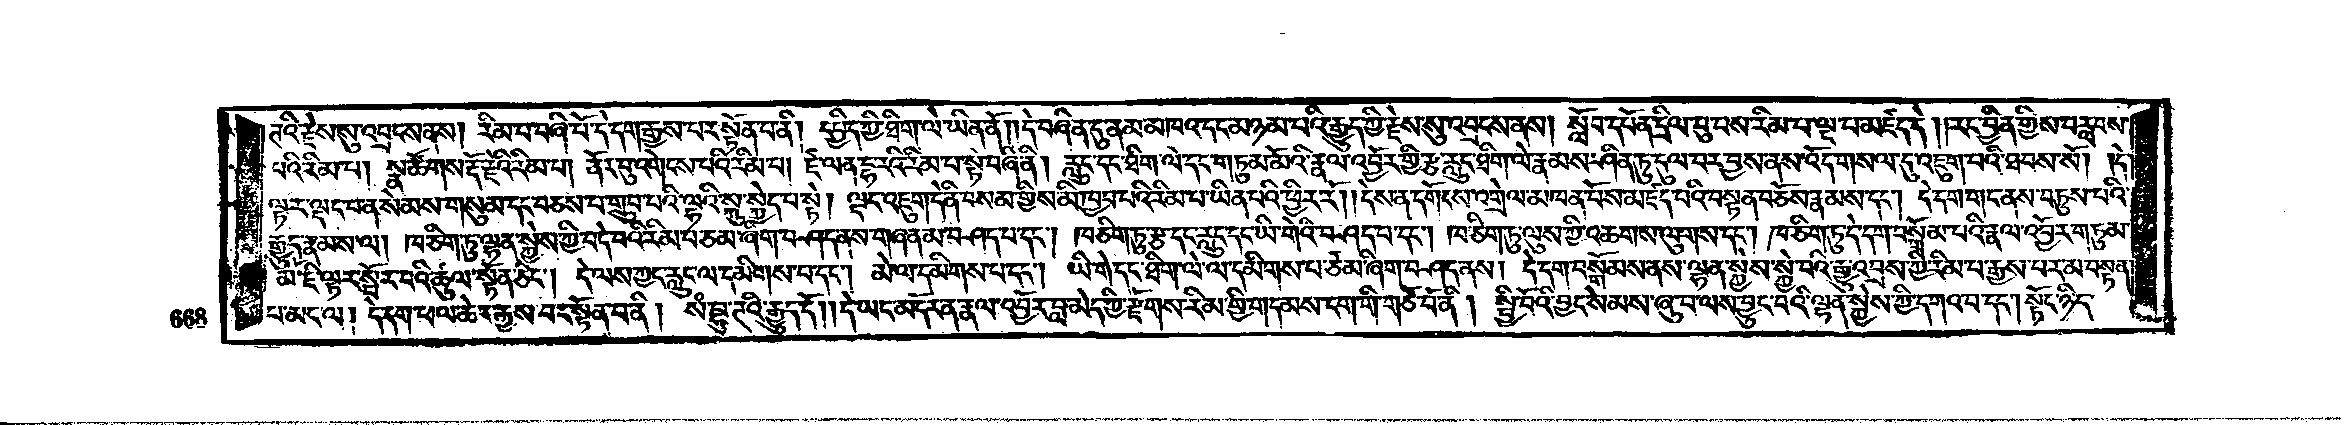ཊའི་རྗེས་སུ་འབྲངས་ནས། རིམ་པ་བཞི་པོ་དེ་དག་རྒྱས་པར་སྟོན་པ་ནི། དཔྱིད་ཀྱི་ཐིག་ལེ་ཡིན་ནོ། །དེ་བཞིན་དུ་ནམ་མཁའ་དང་མཉམ་པའི་རྒྱུད་ཀྱི་རྗེས་སུ་འབྲངས་ནས། སློབ་དཔོན་དྲིལ་བུ་པས་རིམ་པ་ལྔ་པ་མཛད་དེ། །རང་བྱིན་གྱིས་བརླབས་
པའི་རིམ་པ། སྣ་ཚོགས་རྡོ་རྗེའི་རིམ་པ། ནོར་བུ་འགེངས་པའི་རིམ་པ། ཛ་ལན་དྷ་རའི་རིམ་པ་སྟེ་བཞི་ནི། རླུང་དང་ཐིག་ལེ་དང་གཏུམ་མོའི་རྣལ་འབྱོར་གྱི་རྩ་རླུང་ཐིག་ལེ་རྣམས་ཤིན་ཏུ་དུལ་བར་བྱས་ནས་འོད་གསལ་དུ་འཇུག་པའི་ཐབས་སོ། །དེ་
ལྟར་ལྡང་བ་ན་སེམས་གསུམ་དང་བཅས་པ་གྲུབ་པའི་ལྷའི་སྐུ་སྐྱེད་པ་སྟེ། ལྡང་འཇུག་དེ་ནི་བསམ་གྱིས་མི་ཁྱབ་པའི་རིམ་པ་ཡིན་པའི་ཕྱིར་རོ། །དེས་ན་དགོངས་འགྲེལ་མཁན་པོས་མཛད་པའི་བསྟན་བཅོས་རྣམས་དང་། དེ་དག་གང་ནས་བཏུས་པའི་
རྒྱུད་རྣམས་ལ། ཁ་ཅིག་ཏུ་ལྷན་སྐྱེས་ཀྱི་བདེ་བའི་རིམ་པ་ཙམ་ཞིག་བཤད་ནས་གཞན་མ་བཤད་པ་དང་། ཁ་ཅིག་ཏུ་རྩ་དང་རླུང་དང་ཡི་གེའི་བཤད་པ་དང་། ཁ་ཅིག་ཏུ་ལུས་ཀྱི་འཆགས་ལུགས་དང་། ཁ་ཅིག་ཏུ་དེ་དག་བསྒོམ་པའི་རྣལ་འབྱོར་གཏུམ་
མོ་ཇི་ལྟར་སྦོར་བའི་ཚུལ་སྟོན་ཅིང་། དེ་ལས་ཀྱང་རླུང་ལ་དམིགས་པ་དང་། མེ་ལ་དམིགས་པ་དང་། ཡི་གེ་དང་ཐིག་ལེ་ལ་དམིགས་པ་ཙམ་ཞིག་བཤད་ནས། དེ་དག་བསྒོམས་ནས་ལྷན་སྐྱེས་སྐྱེ་བའི་རྒྱུ་འབྲས་ཀྱི་རིམ་པ་རྒྱས་པར་མ་བསྟན་
པ་མང་ལ། དེ་དག་ཕལ་ཆེར་རྒྱས་པར་སྟོན་པ་ནི། སཾ་བྷུ་ཊའི་རྒྱུད་དོ། །དེ་ཡང་མདོར་ན་རྣལ་འབྱོར་བླ་མེད་ཀྱི་རྫོགས་རིམ་གྱི་གདམས་ངག་གི་གཙོ་བོ་ནི། སྤྱི་བོའི་བྱང་སེམས་ཞུ་བ་ལས་བྱུང་བའི་ལྷན་སྐྱེས་ཀྱི་དགའ་བ་དང་། སྟོང་ཉིད་